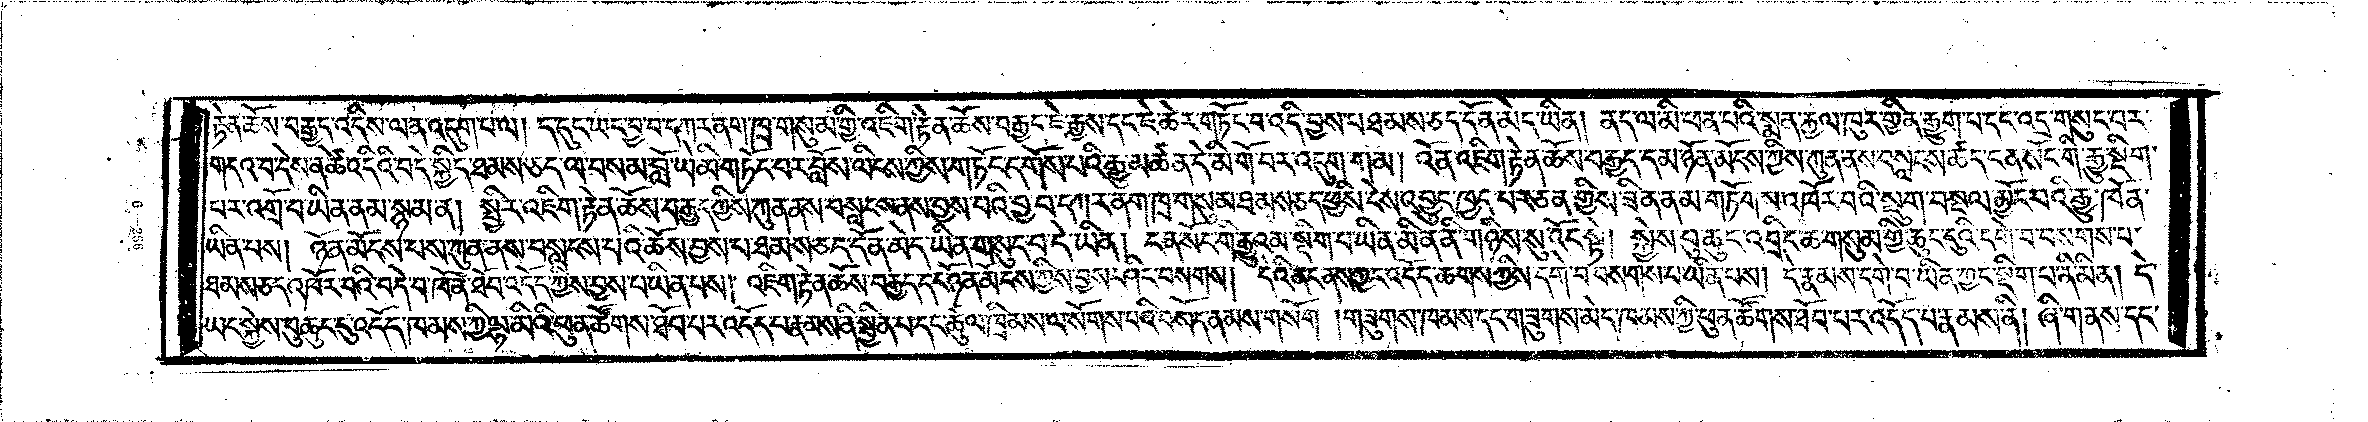རྟེན་ཆོས་བརྒྱད་འདིས་ལན་འདུག་པ་ལ། ད་དུང་ཡང་བྱ་བ་དཀར་ནག་ཁྲ་གསུམ་གྱི་འཇིག་རྟེན་ཆོས་བརྒྱད་ཇེ་རྒྱས་དང་ཇེ་ཆེར་གཏོང་བ་འདི་བྱས་པ་ཐམས་ཅད་དོན་མེད་ཡིན། ནང་ལ་མི་ཕན་པའི་སྨན་རྐྱལ་ཁུར་གྱིན་རྒྱུག་པ་དང་འདྲ་གསུང་བར་
གདའ་བ་དེས་ན་ཚེ་འདིའི་བདེ་སྐྱིད་ཐམས་ཅད་ལ་བསམ་བློ་ཡེ་མི་གཏོང་བར་བློས་ལིངས་ཀྱིས་གཏོང་དགོས་པའི་རྒྱུ་མཚན་དེ་མི་གོ་བར་འདུག་གམ། འོ་ན་འཇིག་རྟེན་ཆོས་བརྒྱད་དམ་ཉོན་མོངས་ཀྱིས་ཀུན་ནས་བསླངས་ཚད་ངན་སོང་གི་རྒྱུ་སྡིག་
པར་འགྲོ་བ་ཡིན་ནམ་སྙམ་ན། སྤྱིར་འཇིག་རྟེན་ཆོས་བརྒྱད་ཀྱིས་ཀུན་ནས་བསླངས་ནས་བྱས་བའི་བྱ་བ་དཀར་ནག་ཁྲ་གསུམ་ཐམས་ཅད་ཕྱིས་ངེས་འབྱུང་ཁྱད་པར་ཅན་གྱིས་ཟིན་ནམ་གཏོགས་འཁོར་བའི་སྡུག་བསྔལ་མྱོང་བའི་རྒྱུ་ཁོ་ན་
ཡིན་པས། ཉོན་མོངས་པས་ཀུན་ནས་བསླངས་པའི་ཆོས་བྱས་པ་ཐམས་ཅད་དོན་མེད་ཡིན་གསུང་བ་དེ་ཡིན། ངན་སོང་གི་རྒྱུའམ་སྡིག་པ་ཡིན་མིན་ནི་གཉིས་སུ་འོང་སྟེ། སྐྱེས་བུ་ཆུང་འབྲིང་ཆེ་གསུམ་གྱི་ཆུང་ངུའི་དགེ་བ་བསགས་པ་
ཐམས་ཅད་འཁོར་བའི་བདེ་བ་ཁོ་ན་ཐོབ་འདོད་ཀྱིས་བྱས་པ་ཡིན་པས། འཇིག་རྟེན་ཆོས་བརྒྱད་དང་ཉོན་མོངས་ཀྱིས་བྱས་ཤིང་བསགས། དེའི་ནང་ནས་ཀྱང་འདོད་ཆགས་ཀྱིས་དགེ་བ་བསགས་པ་ཡིན་པས། དེ་རྣམས་དགེ་བ་ཡིན་ཀྱང་སྡིག་པ་ནི་མིན། དེ་
ཡང་སྐྱེས་བུ་ཆུང་ངུ་འདོད་ཁམས་ཀྱི་ལྷ་མོའི་ཕུན་ཚོགས་ཐོབ་པར་འདོད་པ་རྣམས་ནི་སྦྱིན་པ་དང་ཚུལ་ཁྲིམས་ལ་སོགས་པའི་བསོད་ནམས་གསོག །གཟུགས་ཁམས་དང་གཟུགས་མེད་ཁམས་ཀྱི་ཕུན་ཚོགས་ཐོབ་པར་འདོད་པ་རྣམས་ནི། ཞི་གནས་དང་